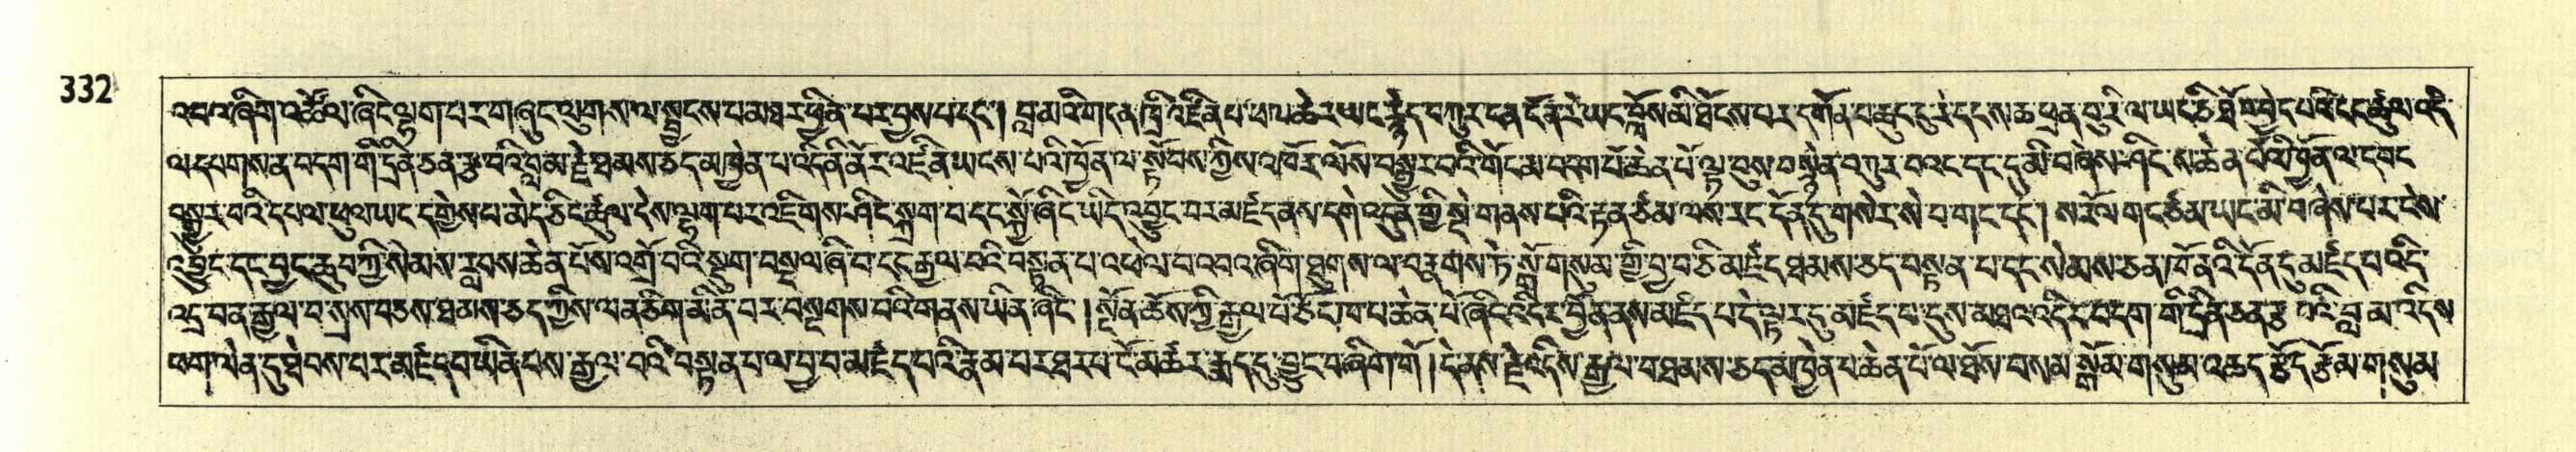འབའ་ཞིག་འཚོལ་ཞིང་ལྷག་པར་གཞུང་ལུགས་ལ་སྦྱངས་པ་མཐར་ཕྱིན་པར་བྱས་པ་དང་། བླ་མའི་གདན་ཁྲི་འཛིན་པ་ཕལ་ཆེར་ཡང་རྙེད་བཀུར་ངན་དོན་རེ་ཡང་བློས་མི་ཐོངས་པར་དགོན་པ་ཆུང་དུ་རེ་དང་ས་ཆ་ཕྲན་བུ་རི་ལ་ཡང་ཅི་ཐོབ་བྱེད་པའི་དང་ཚུལ་འདི་
ལ་དཔགས་ན་བདག་གི་དྲིན་ཅན་རྩ་བའི་བླ་མ་རྗེ་ཐམས་ཅད་མཁྱེན་པ་འདི་ནི་ནོར་འཛིན་ཡངས་པའི་ཁྱོན་ལ་སྟོབས་ཀྱིས་འཁོར་ལོས་བསྒྱུར་བའི་གོང་མ་བདག་པོ་ཆེན་པོ་ལྟ་བུས་བསྙེན་བཀུར་བའང་དང་དུ་མི་བཞེས་ཤིང་ས་ཆེན་པོ་ལི་ཁྱོན་ལ་དབང་
བསྒྱུར་བའི་དཔལ་ཕུལ་ཡང་དགྱེས་པ་མེད་ཅིང་ཚུལ་དེས་ལྷག་པར་འཇིགས་ཤིང་སྐྲག་བ་དང་སྐྱོ་ཞིང་ཡིད་འབྱུང་བར་མཛད་ནས་དགེ་འདུན་གྱི་སྡེ་གནས་པའི་རྟན་ཙམ་ལས་རང་དོན་དུ་གསེར་སེ་པ་གང་དང་། ས་རོལ་གང་ཙམ་ཡང་མི་བཞེས་པར་ངེས་
འབྱུང་དང་བྱང་ཆུབ་ཀྱི་སེམས་རླབས་ཆེན་པོས་འགྲོ་བའི་སྡུག་བསྔལ་ཞི་བ་དང་རྒྱལ་བའི་བསྟན་པ་འཕེལ་བ་འབའ་ཞིག་ཐུགས་ལ་བརྣགས་ཏེ་སྒོ་གསུམ་གྱི་བྱ་བ་ཅི་མཛད་ཐམས་ཅད་བསྟན་པ་དང་སེམས་ཅན་ཁོ་ནའི་དོན་དུ་མཛད་པ་འདི་
འདྲ་བ་ན་རྒྱལ་བ་སྲས་བཅས་ཐམས་ཅད་ཀྱིས་ལན་ཅིག་མིན་བར་བསྔགས་པའི་གནས་ཡིན་ཞིང་། སྔོན་ཆོས་ཀྱི་རྒྱལ་པོ་ཙོང་ཁ་པ་ཆེན་པོ་ཞིང་འདིར་བྱོན་ནས་མཛད་པ་དེ་ལྟར་དུ་མཛད་པ་དུས་མཐའ་འདིར་བདག་གི་དྲིན་ཅན་རྩ་བའི་བླ་མ་འདིས་
ཕག་ལེན་དུ་ཐེབས་པར་མཛད་བ་ཡིན་པས་རྒྱལ་བའི་བསྟན་པ་ལ་བྱ་བ་མཛད་པའི་རྣམ་པར་ཐར་པ་ངོ་མཚར་རྨད་དུ་བྱུང་བ་ཞིག་གོ །དེ་ནས་རྗེ་འདིས་རྒྱལ་བ་ཐམས་ཅད་མཁྱེན་པ་ཆེན་པོ་ལ་ཐོས་བསམ་སྒོམ་གསུམ་འཆད་རྩོད་རྩོམ་གསུམ་